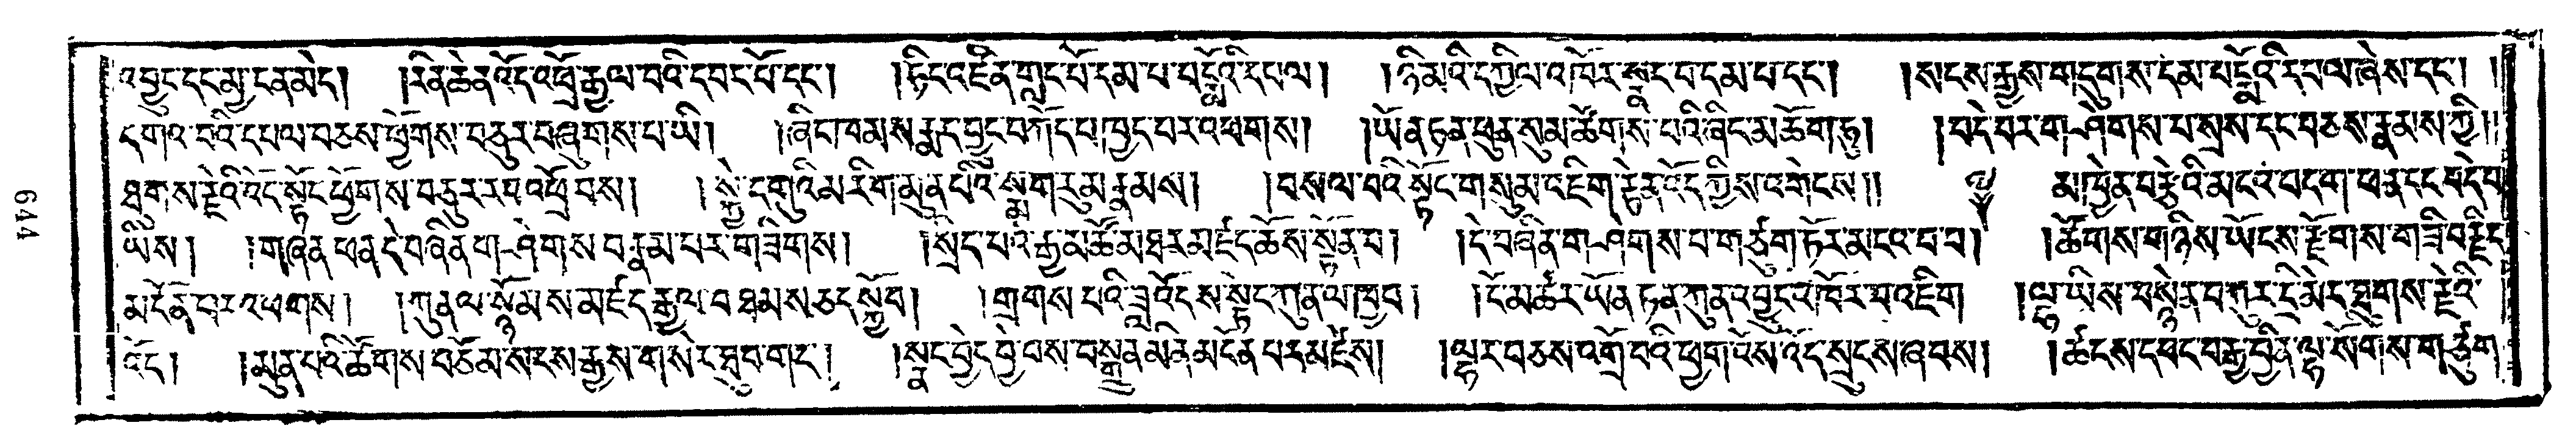འབྱུང་དང་མྱ་ངན་མེད། །རིན་ཆེན་འོད་འཕྲོ་རྒྱལ་བའི་དབང་པོ་དང་། །ཏིང་འཛིན་གླང་པོ་དམ་པ་པདམོའི་དཔལ། །ཉི་མའི་དཀྱིལ་འཁོར་སྣང་བ་དམ་པ་དང་། །སངས་རྒྱས་གདུགས་དམ་པདམོའི་དཔལ་ཞེས་དང་། །
དགའ་བའི་དཔལ་བཅས་ཕྱོགས་བཅུར་བཞུགས་པ་ཡི། །ཞིང་ཁམས་རྨད་བྱུང་བཀོད་པ་ཁྱད་པར་འཕགས། །ཡོན་ཏན་ཕུན་སུམ་ཚོགས་པའི་ཞིང་མཆོག་ཏུ། །བདེ་བར་གཤེགས་པ་སྲས་དང་བཅས་རྣམས་ཀྱི།།
ཐུགས་རྗེའི་འོད་སྟོང་ཕྱོགས་བཅུར་རབ་འཕྲོ་བས། །སྐྱེ་དགུའི་མ་རིག་མུན་པའི་སྨག་རུ་མ་རྣམས། །བསལ་བའི་སྟོང་གསུམ་འཇིག་རྟེན་འོད་ཀྱིས་འགེངས།། ༈ མཁྱེན་བརྩེའི་མངའ་བདག་ཕན་དང་བདེ་བ་
ཡིས། །གཞན་ཕན་དེ་བཞིན་གཤེགས་པ་རྣམ་པར་གཟིགས། །སྲིད་པའི་རྒྱ་མཚོ་མཐར་མཛད་ཆོས་སྟོན་པ། །དེ་བཞིན་གཤེགས་པ་གཙུག་ཏོར་མངའ་བ་བ། །ཚོགས་གཉིས་ཡོངས་རྫོགས་གཟི་བརྗིད་
མངོན་པར་འཕགས། །ཀུན་ལ་སྙོམས་མཛད་རྒྱལ་བ་ཐམས་ཅད་སྐྱོབ། །གྲགས་པའི་ཟླ་འོད་ས་སྟེང་ཀུན་ལ་ཁྱབ། །ངོ་མཚར་ཡོན་ཏན་ཀུན་འབྱུང་འཁོར་བ་འཇིག །ལྷ་ཡིས་བསྙེན་བ་ཀུར་དྲི་མེད་ཐུགས་རྗེའི་
འོད། །མུན་པའི་ཚོགས་བཅོམ་སངས་རྒྱས་གསེར་ཐུབ་གང་། །སྣང་བྱེད་བྱེ་བས་བསྒྲུན་མིན་མངོན་པར་མཛེས། །ལྷར་བཅས་འགྲོ་བའི་ཕྱག་འོས་འོད་སྲུངས་ཞབས། །ཚངས་དབང་བརྒྱ་བྱིན་ལྷ་སོགས་གཙུག་